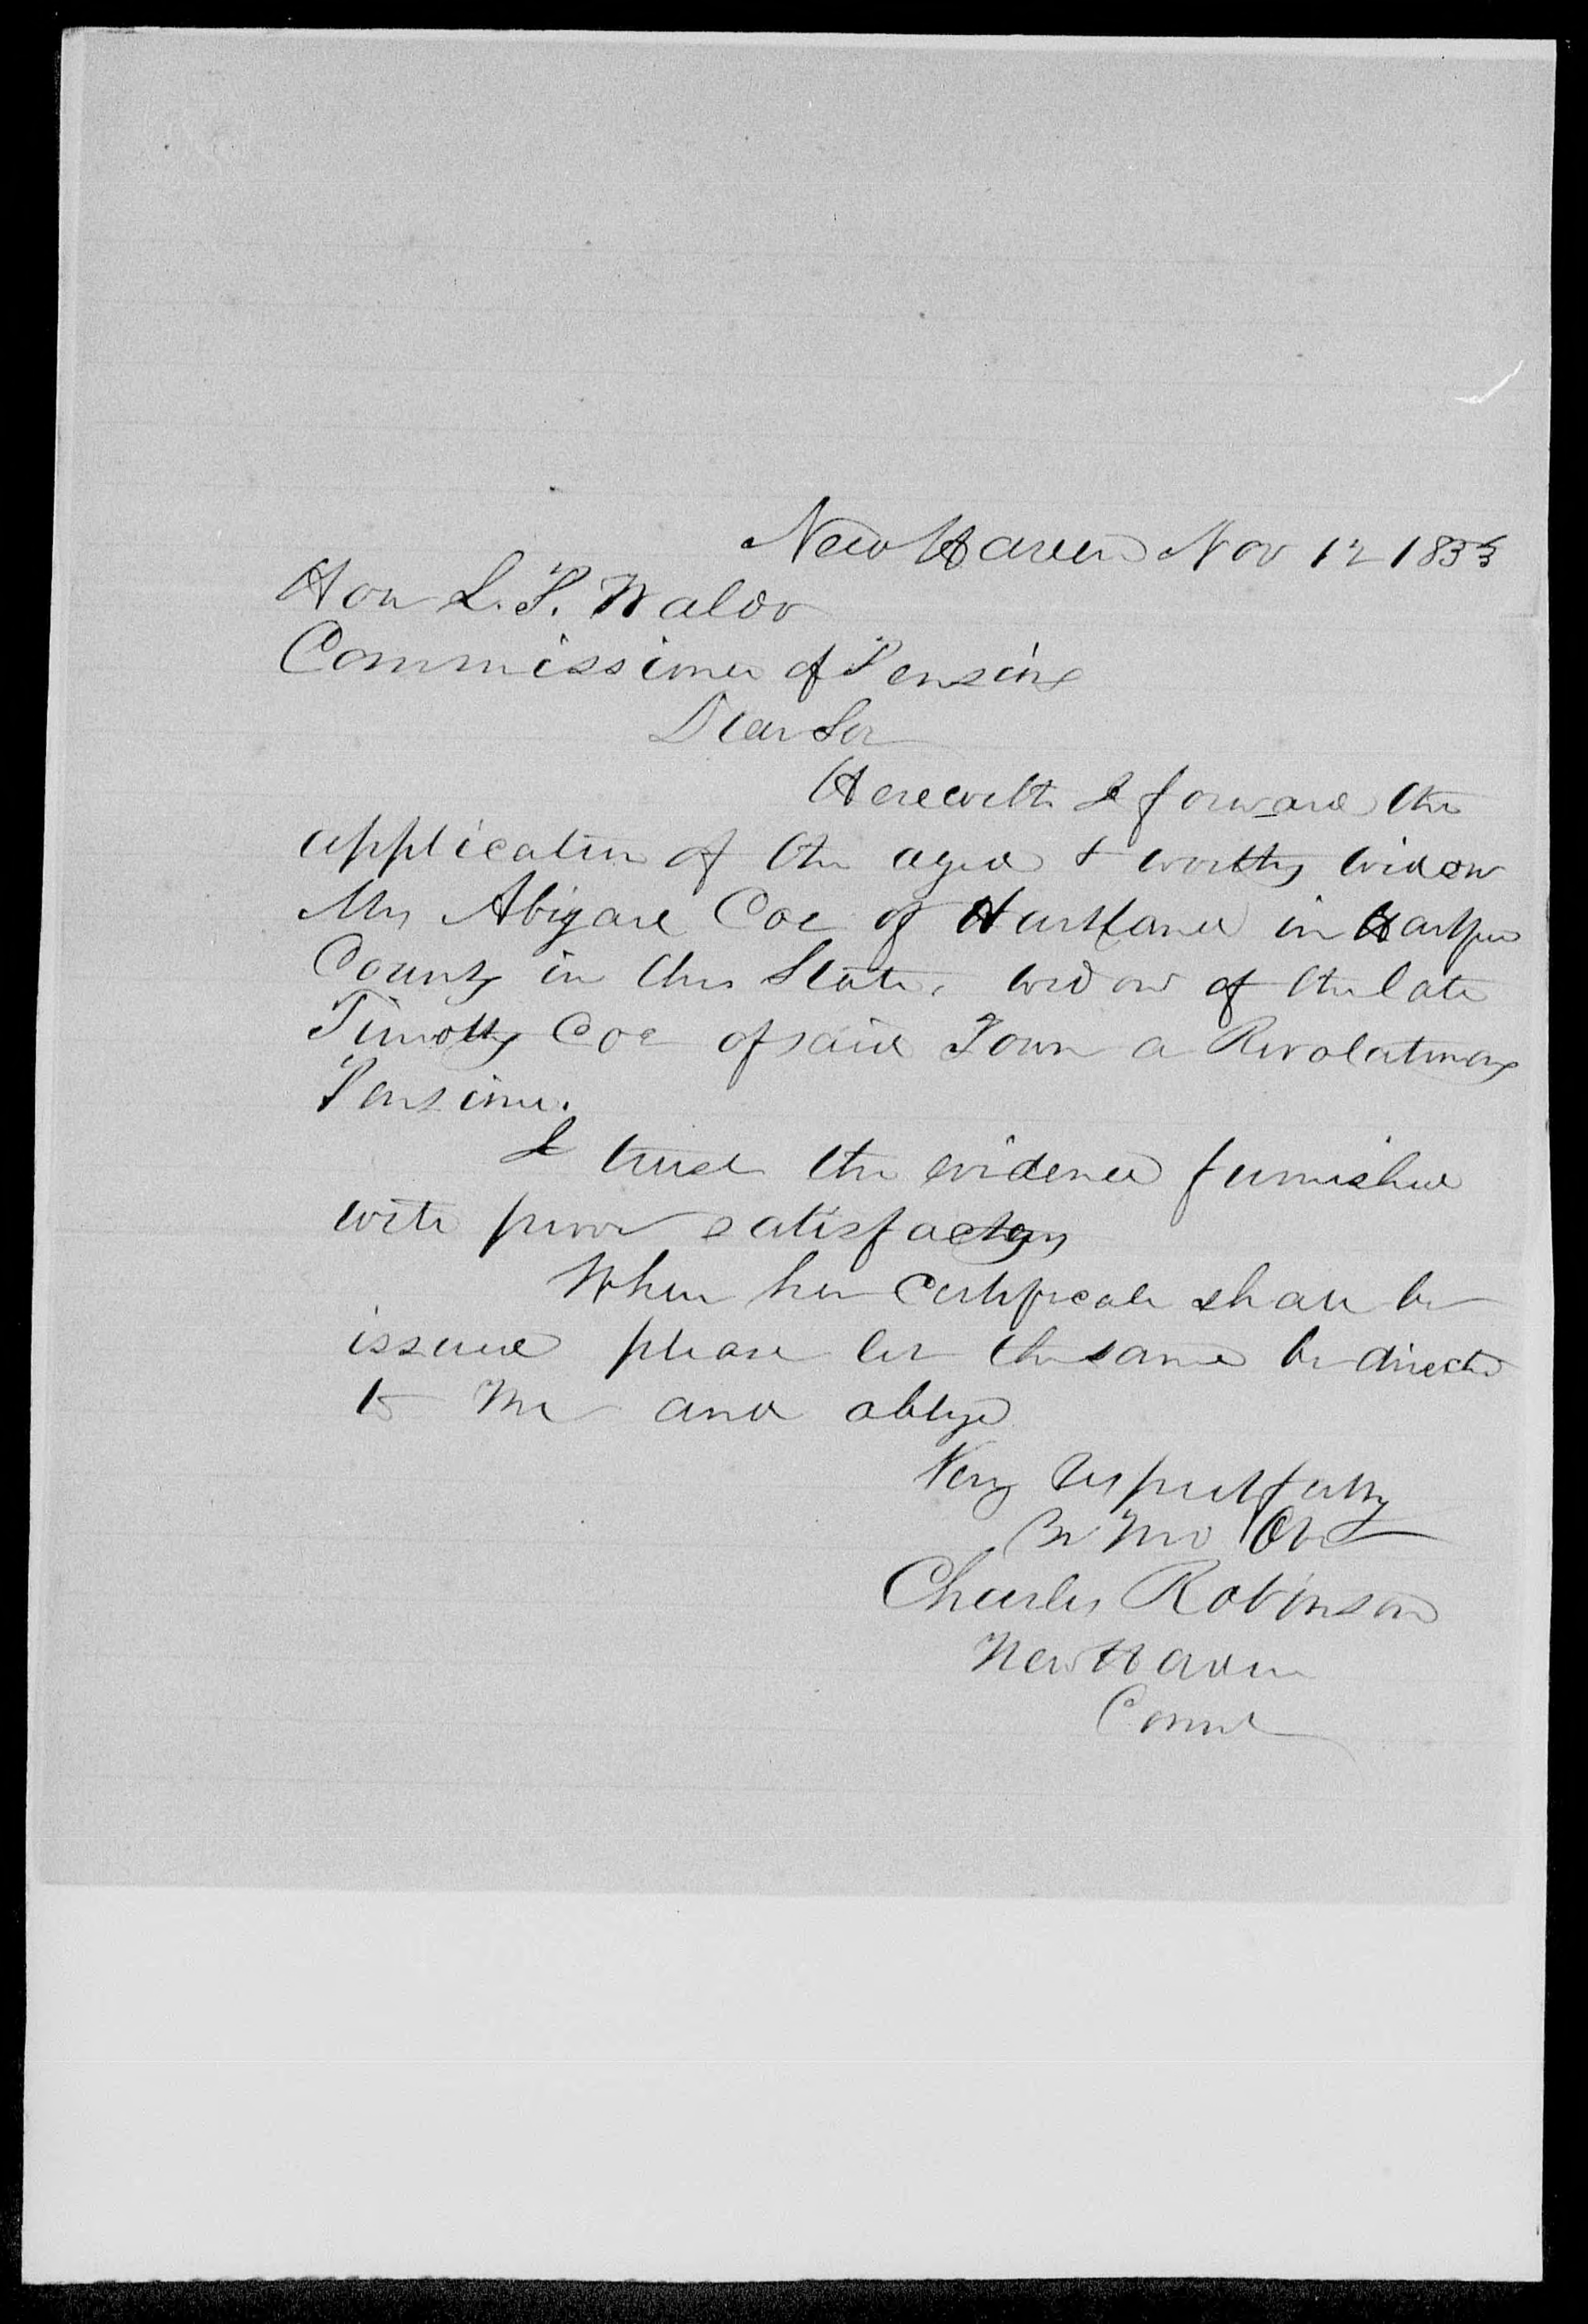New Haven Nov 12 1833
Hon L. P. Waldo
Commissioner of Pensing
Dear Sir
Herewith I forward the
application of the aged & worthy widow
Mrs Abigal Coe of Hartland in Harper
County in this State, widow of the late
Timothy Coe of said Town a Revolutionary Pensioner
I trust the evidence furnished
with prove satisfaction
When her certificate shall be
issue please let the same be directed
to me and oblige
Very Respectfully
by Mrs. Coe
Charles Robinson
New Haven
Conn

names: Timothy Coe, L P Waldo, Charles Robinson, Abigail Coe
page: 22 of 76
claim: widow's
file: W. 5,250, Timothy Coe, Conn.